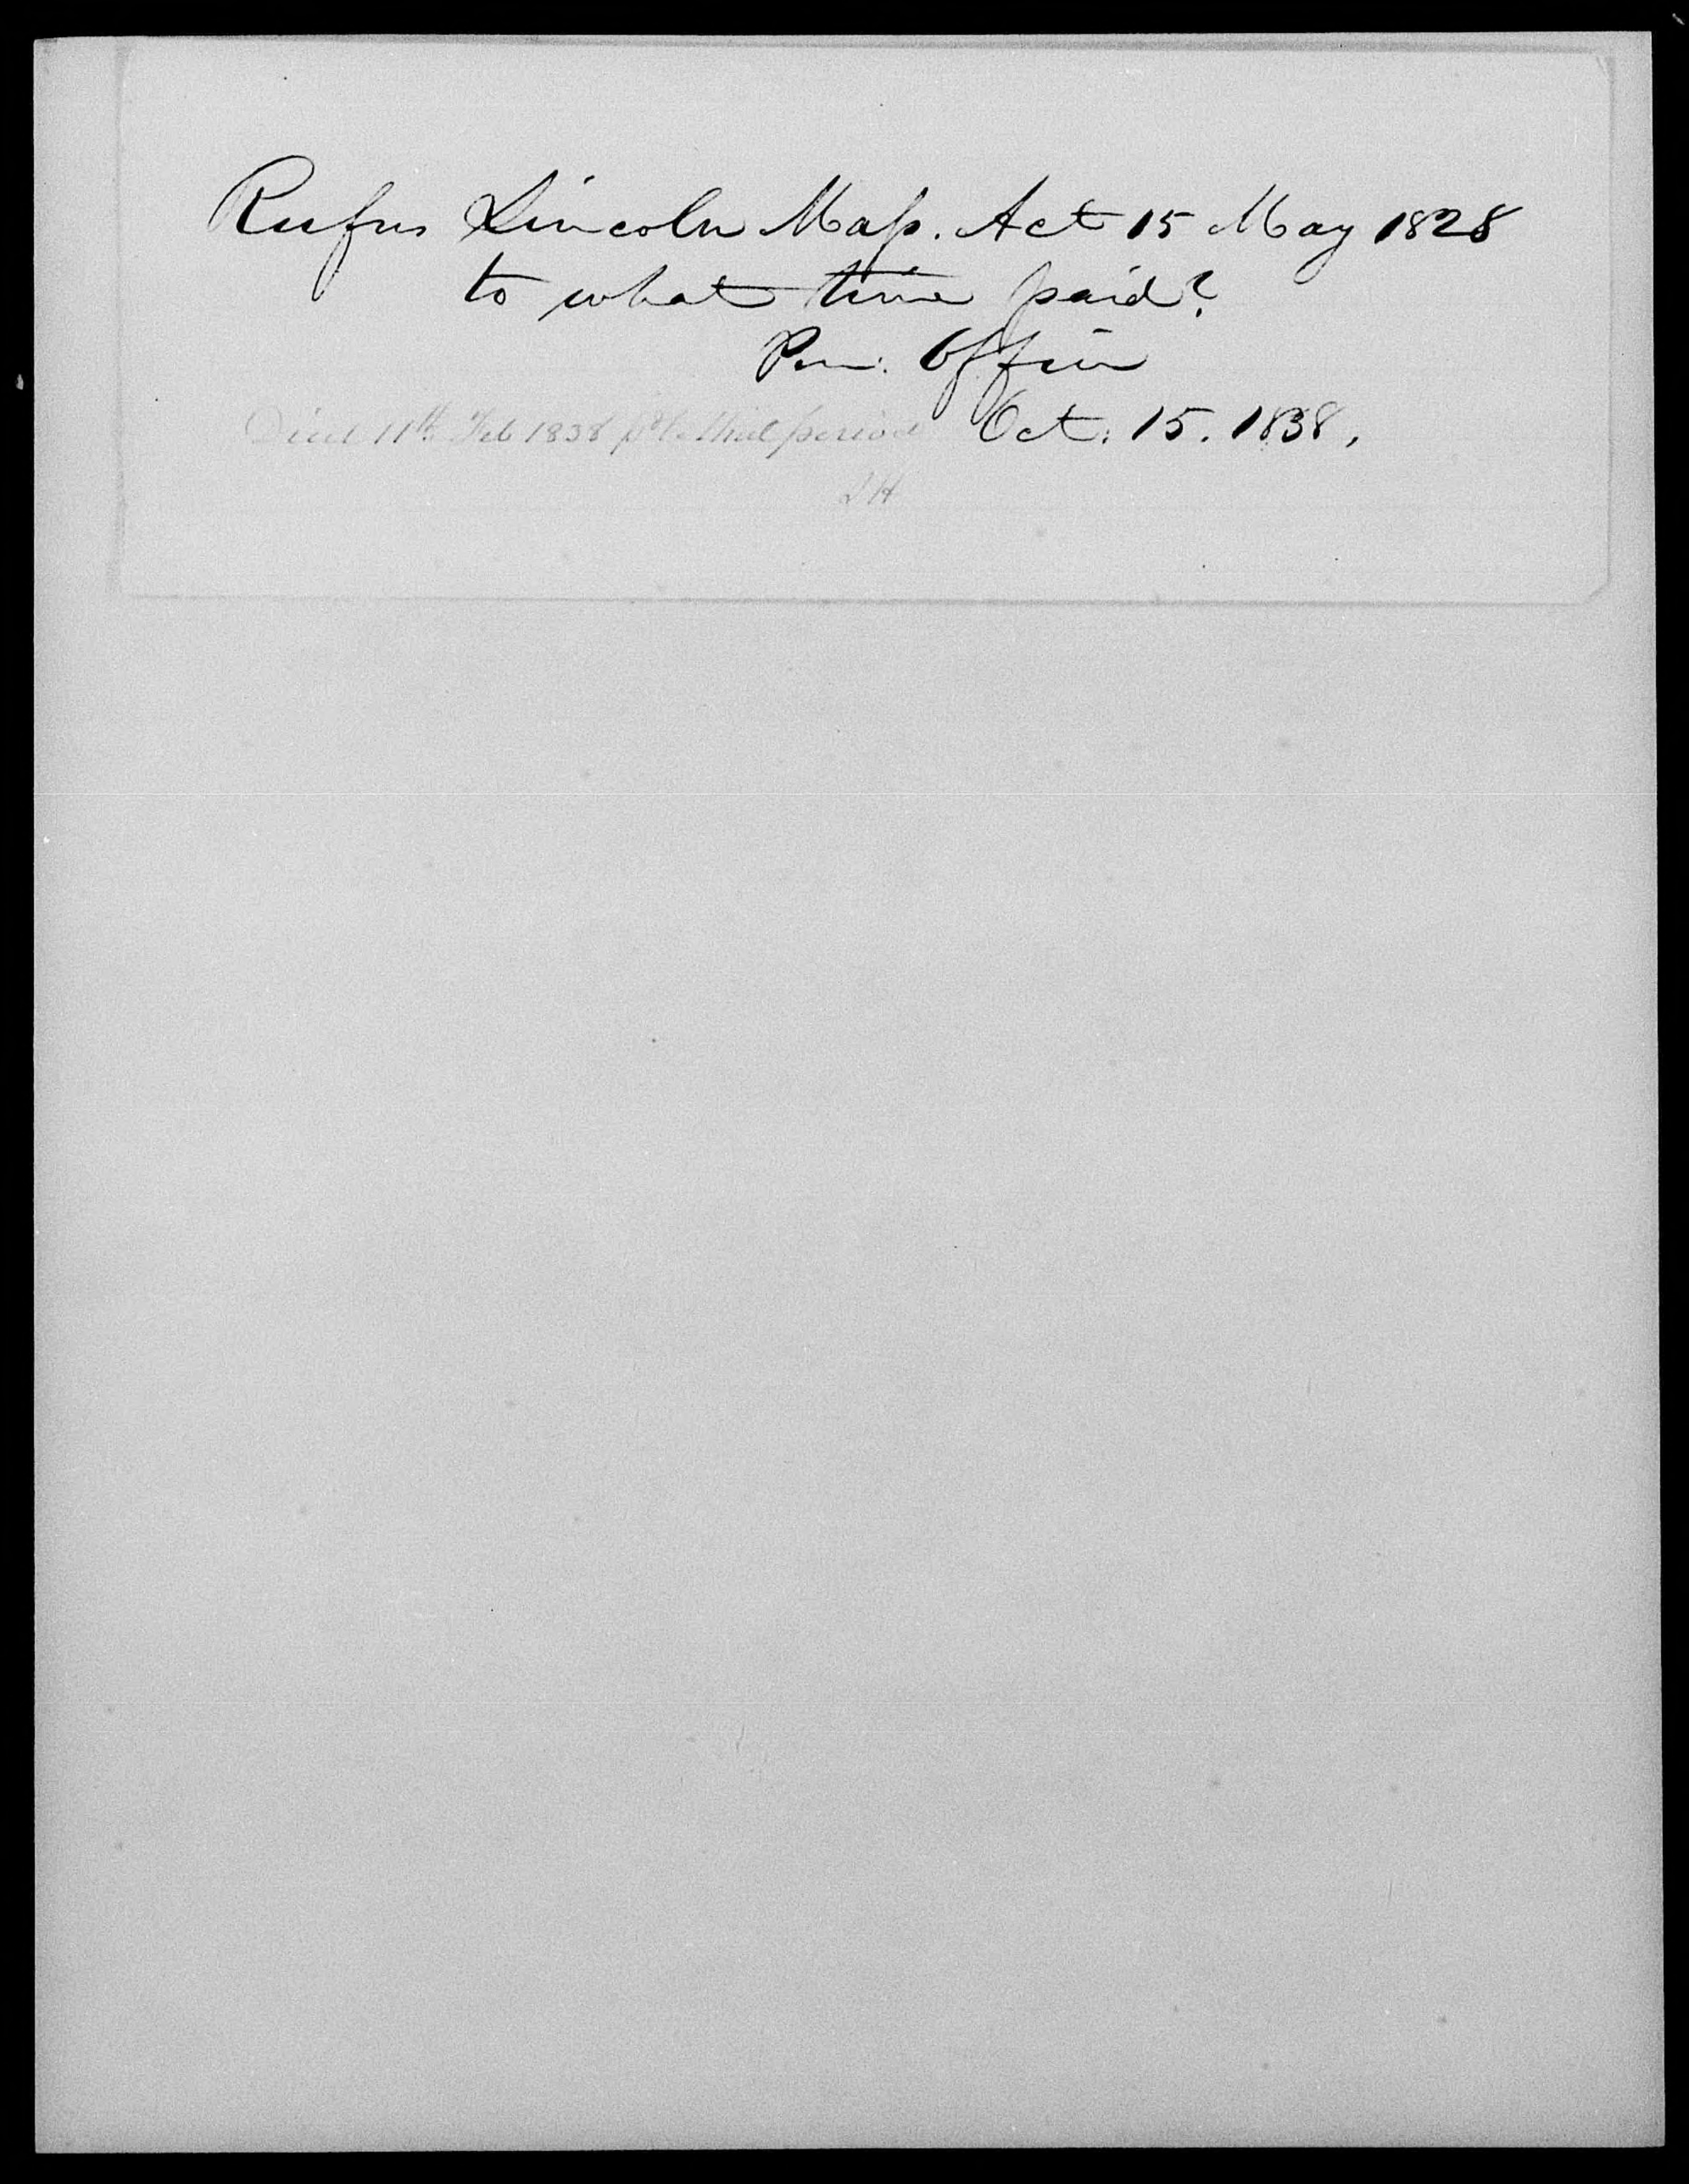Rufus Lincoln Mass. Act 15 May 1828
to what time paid?
Pen: Office  Oct. 15, 1838
Died 11th Feb 1838 P% that period 
LH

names: Rufus Lincoln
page: 18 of 82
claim: widow's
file: W. 13,634, for Rufus Lincoln, Massachusetts